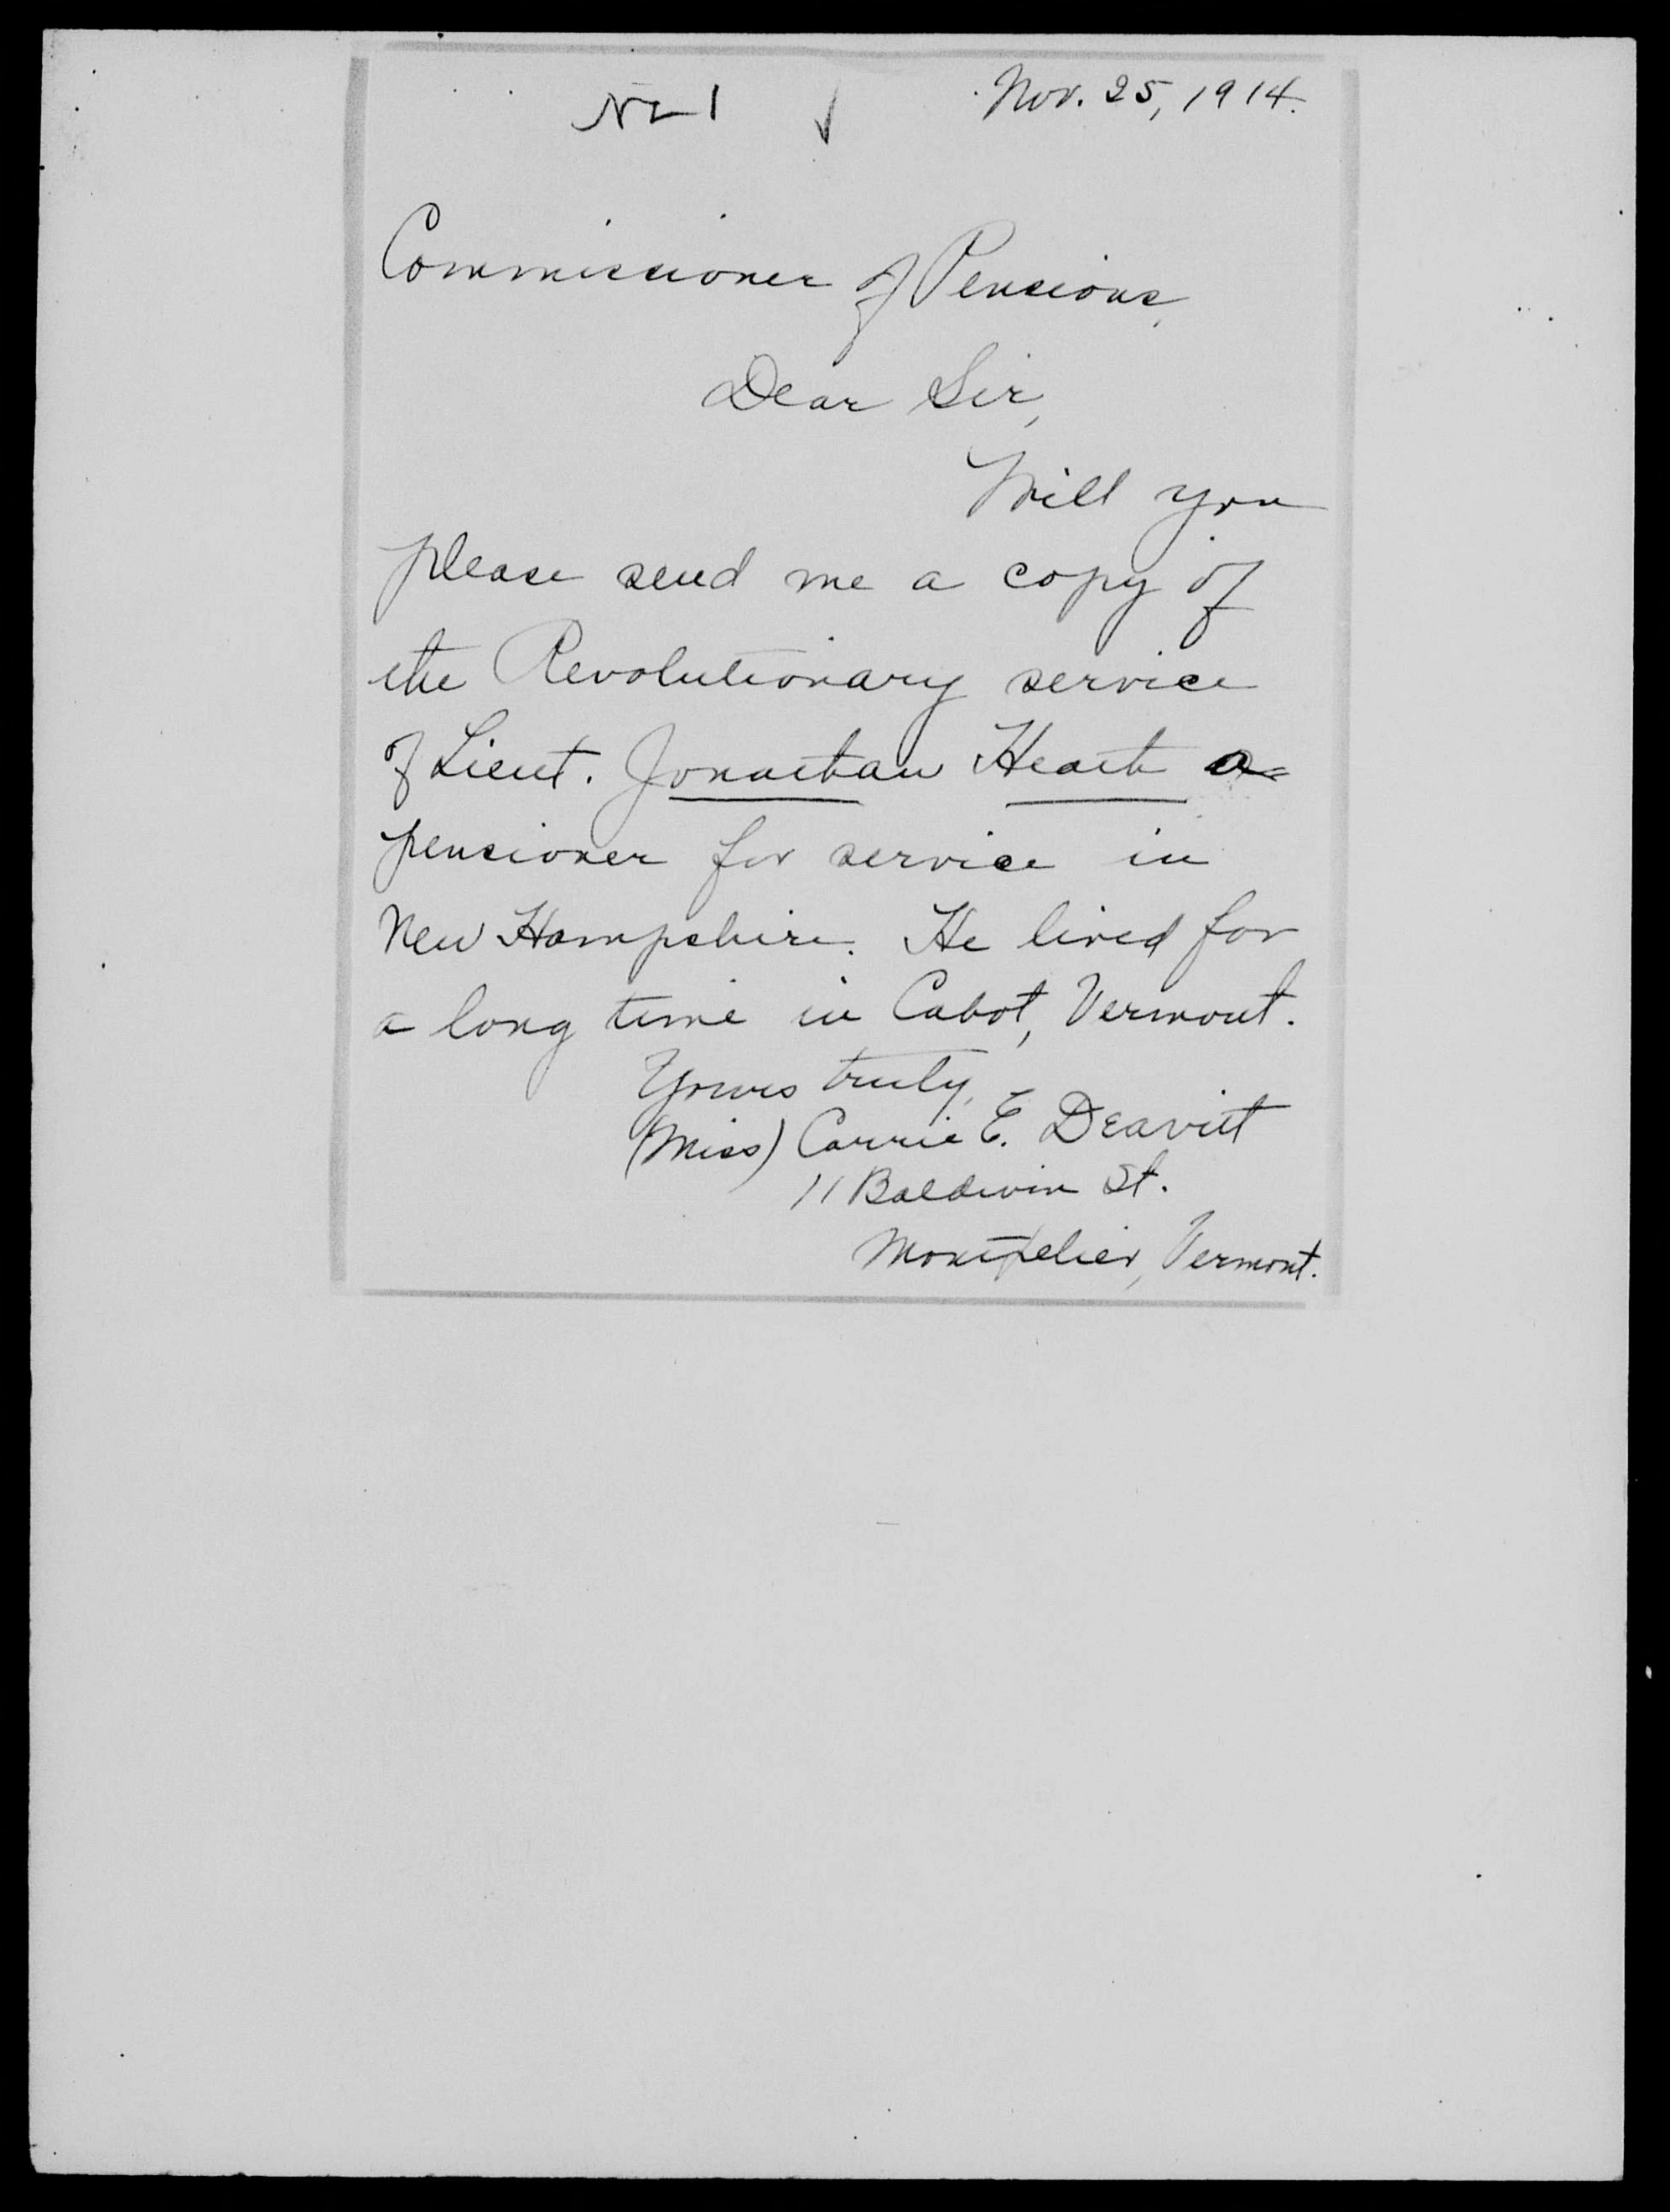Nov. 25, 1914
Commissioner of Pensions

Dear Sir
Will you please send me a copy of
the Revolutionary service
of Lieut. Jonathan Heath a pensioner for service in New Hampshire. He lived for
time in Cabot Vermont.

Yours truly,
(Miss) Carrie E. Deavitt
11 Baldwin St.
Montpelier Vermont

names: Carrie E Deavitt, Jonathan Heath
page: 19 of 22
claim: survivor's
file: S. 38821, Jonathan Heath, Continental N.H.